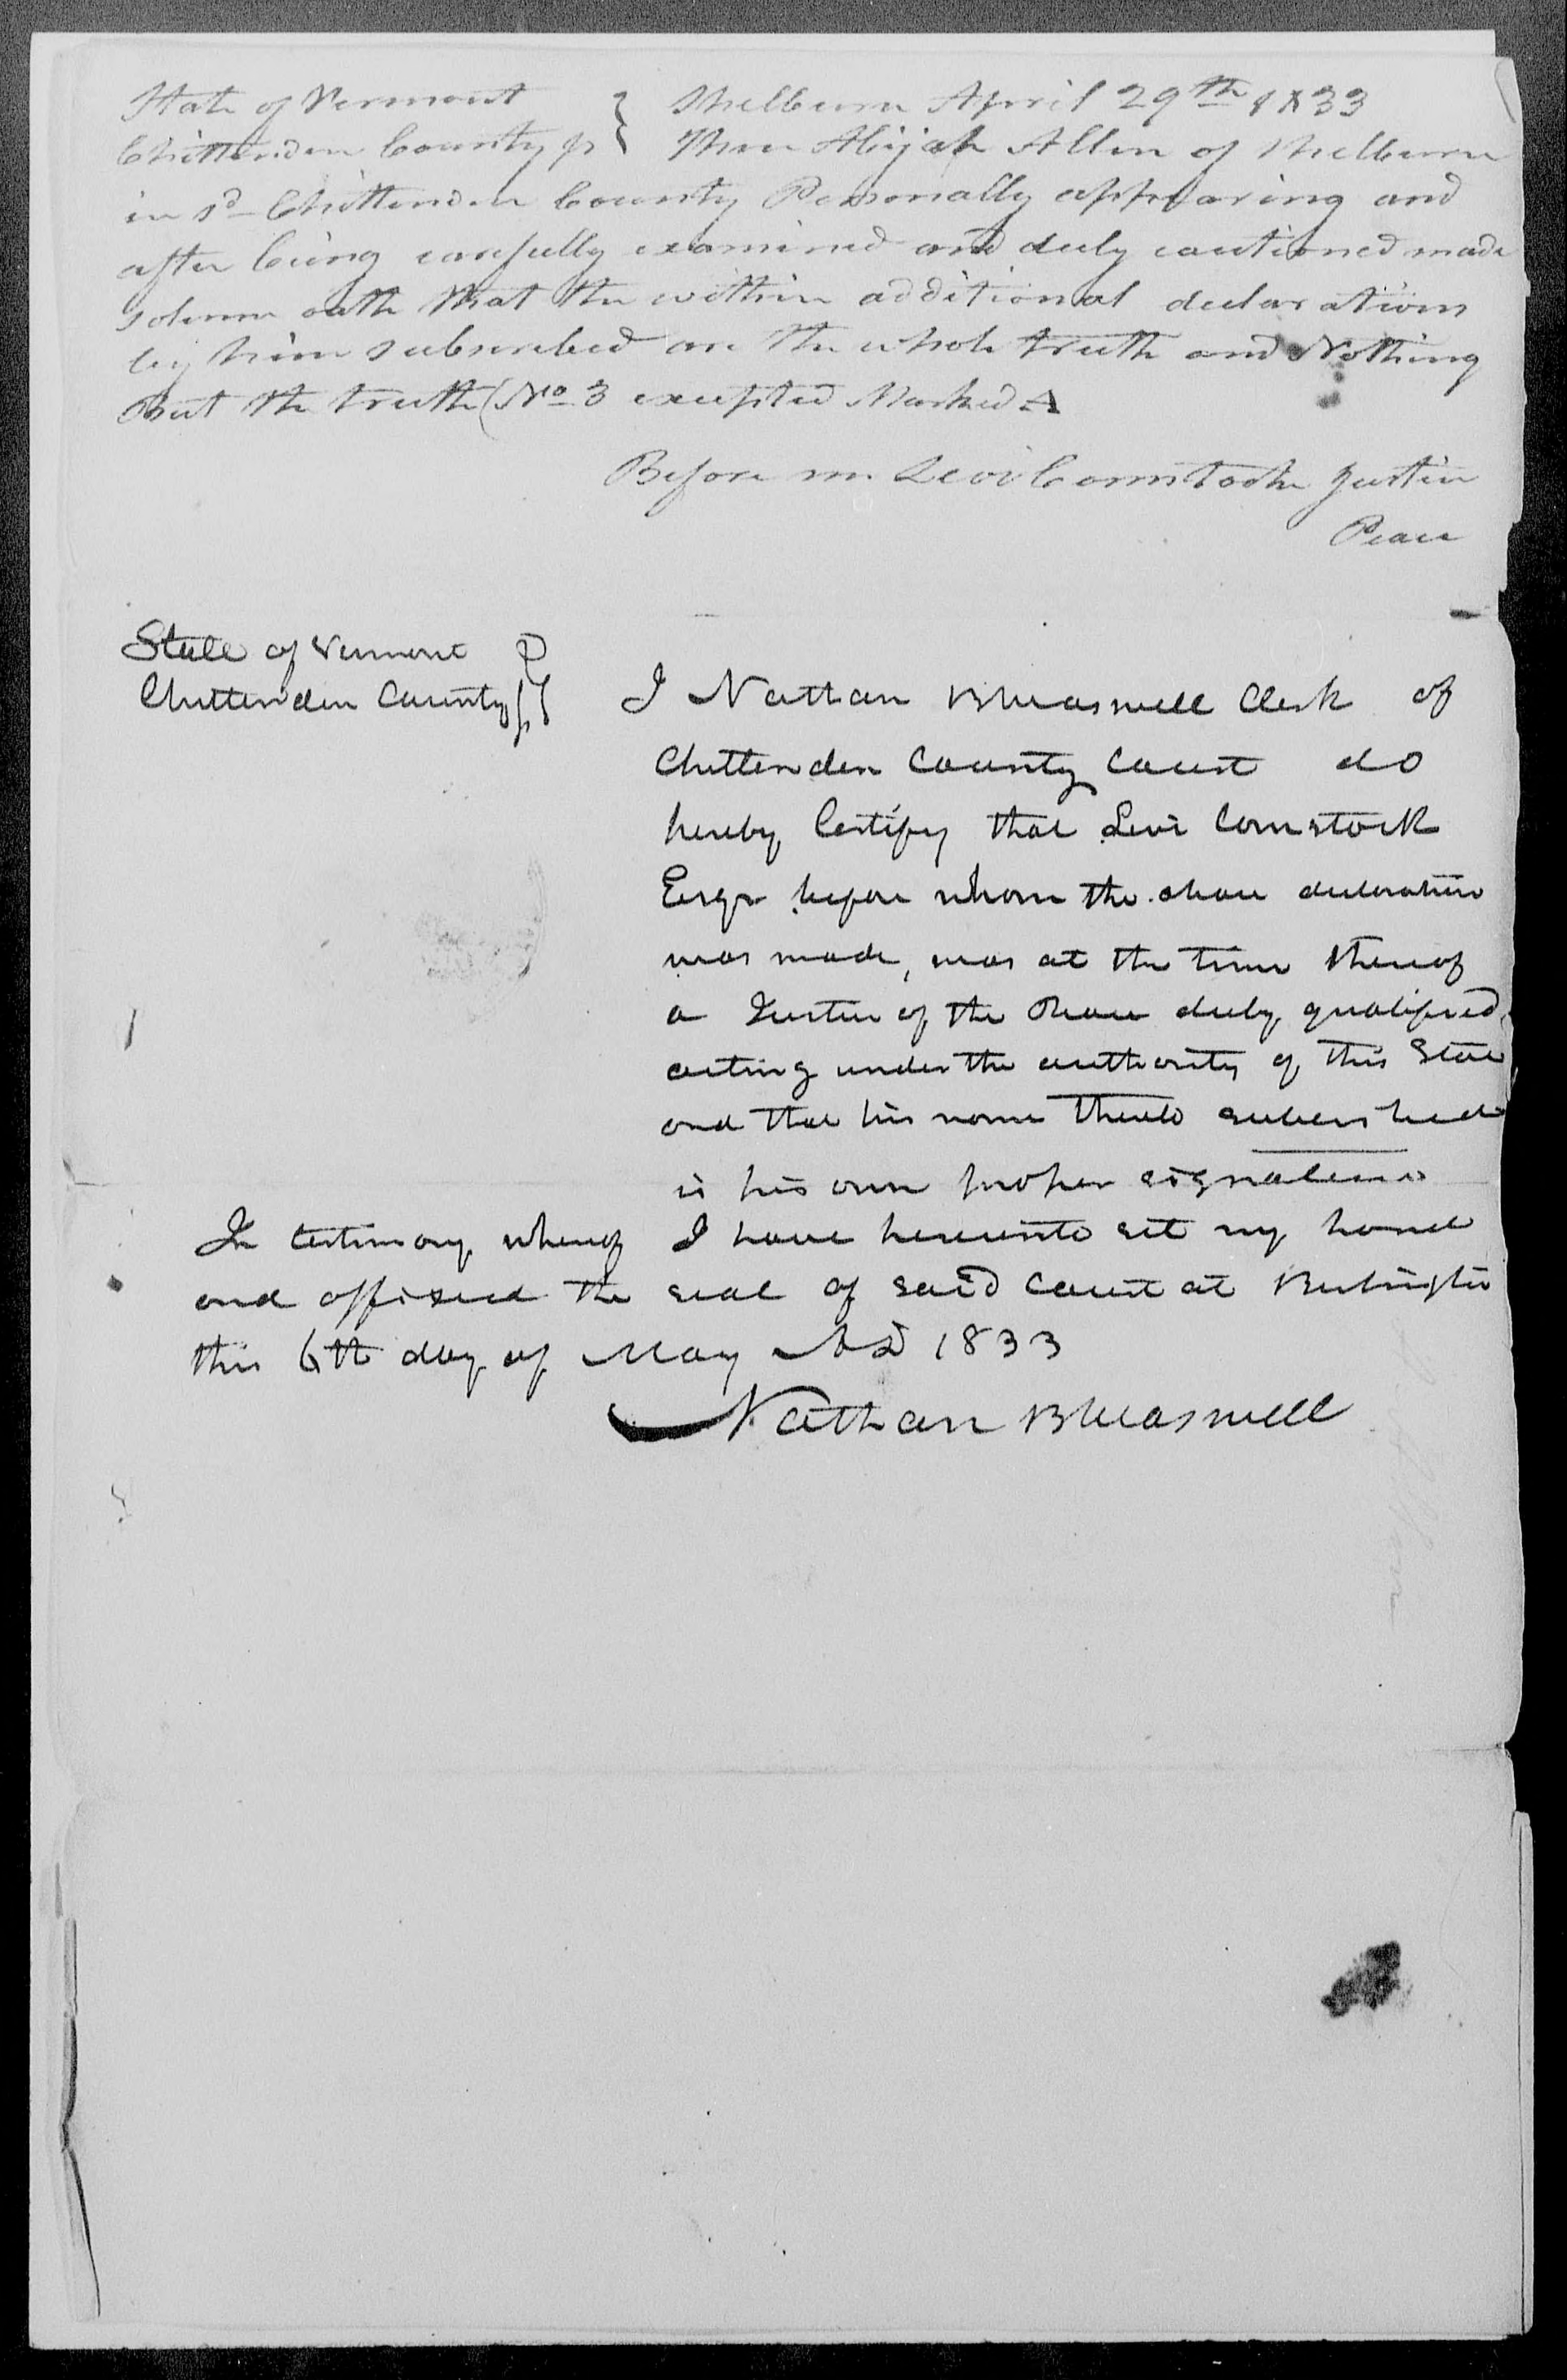State of Vermont
Chittenden County S.S.
Shelburn April 29th 1833
Then Abijah Allen of Selburn of Chittenden County personally appearing and after being carefully examined and duly cautioned and under solemn oath that the written additional declarations by him subscribed are the whole truth and nothing but the truth (No. 3 excepted marked A
Before me Levi Comstock Justice Peace

State of Vermont 
Chittenden County S.S.
I Nathan Maswell Clerk of Chittenden County Court do hereby certify that Levi Comstock Esqr. before whom the above declaration was made, was at the time thereof a Justice of the Peace duly qualified acting under the authority of this state and that his name thereto subscribed is his own proper signature 
In testimony whereof I have hereunto set my hand and affixed the seal of said court at Burlington this 6th day of May AD 1833
Nathan B Maswell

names: Nathan B Maswell, Nathan B Maswell, Abijah Allen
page: 4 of 21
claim: survivor's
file: S. 15356, Abijah Allen, Mass.